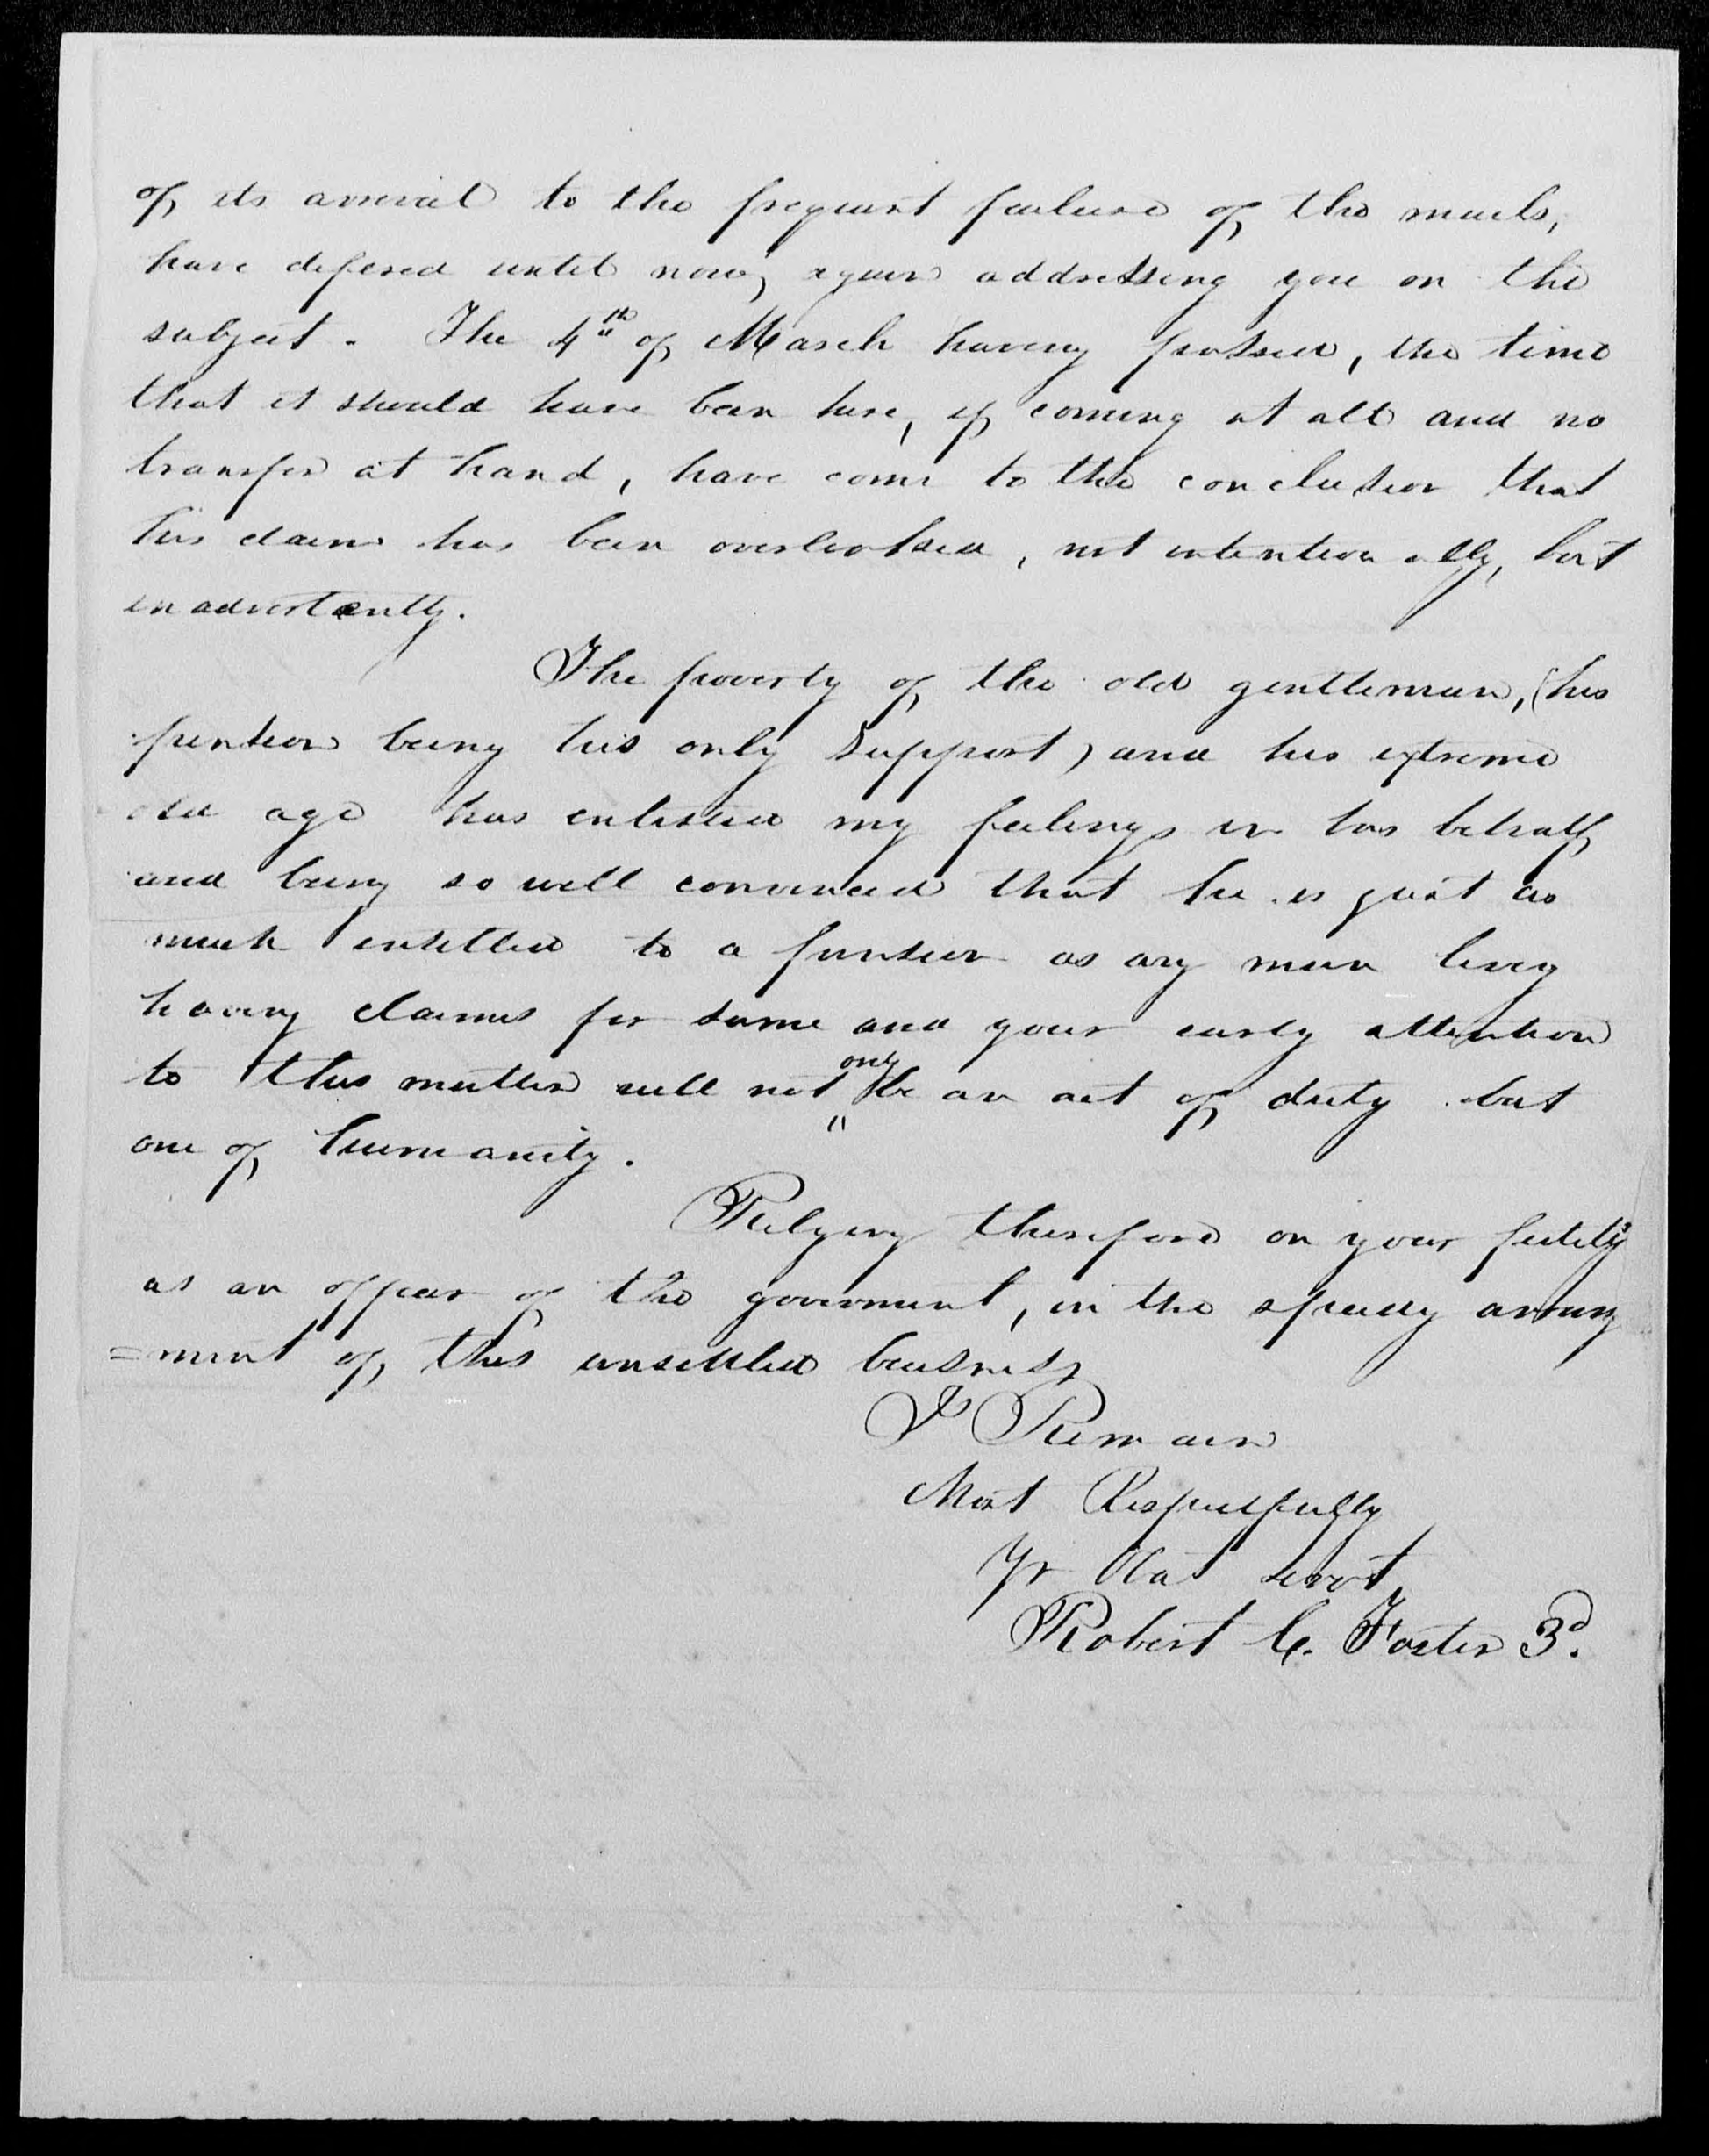of its arrival to the frequent failure of the mails, have deferred until now, again addressing you on the subject.  The 4th of March having passed, the time that it should have been here, if coming at all and no transfer at hand, have come to the conclusion that his claim has been overlooked, not intentionally, but inadvertently.
The poverty of the old gentleman, (his pension being his only support) and his extreme old age has enlisted my feelings in his behalf and being so well convinced that he is just as much entitled to a pension as any man living having claims for same and your early attention to this matter will not only be an act of duty but one of humanity.
Relying therefore on your [illegible] as an officer of the government, in the [illegible] of, this unsettled business
I Remain
Most Respectfully
Yr Obdt. Servt.
Robert C. Foster 3d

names: Robert C Foster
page: 28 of 31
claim: survivor's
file: S. 3049, William G Bryant, Va.